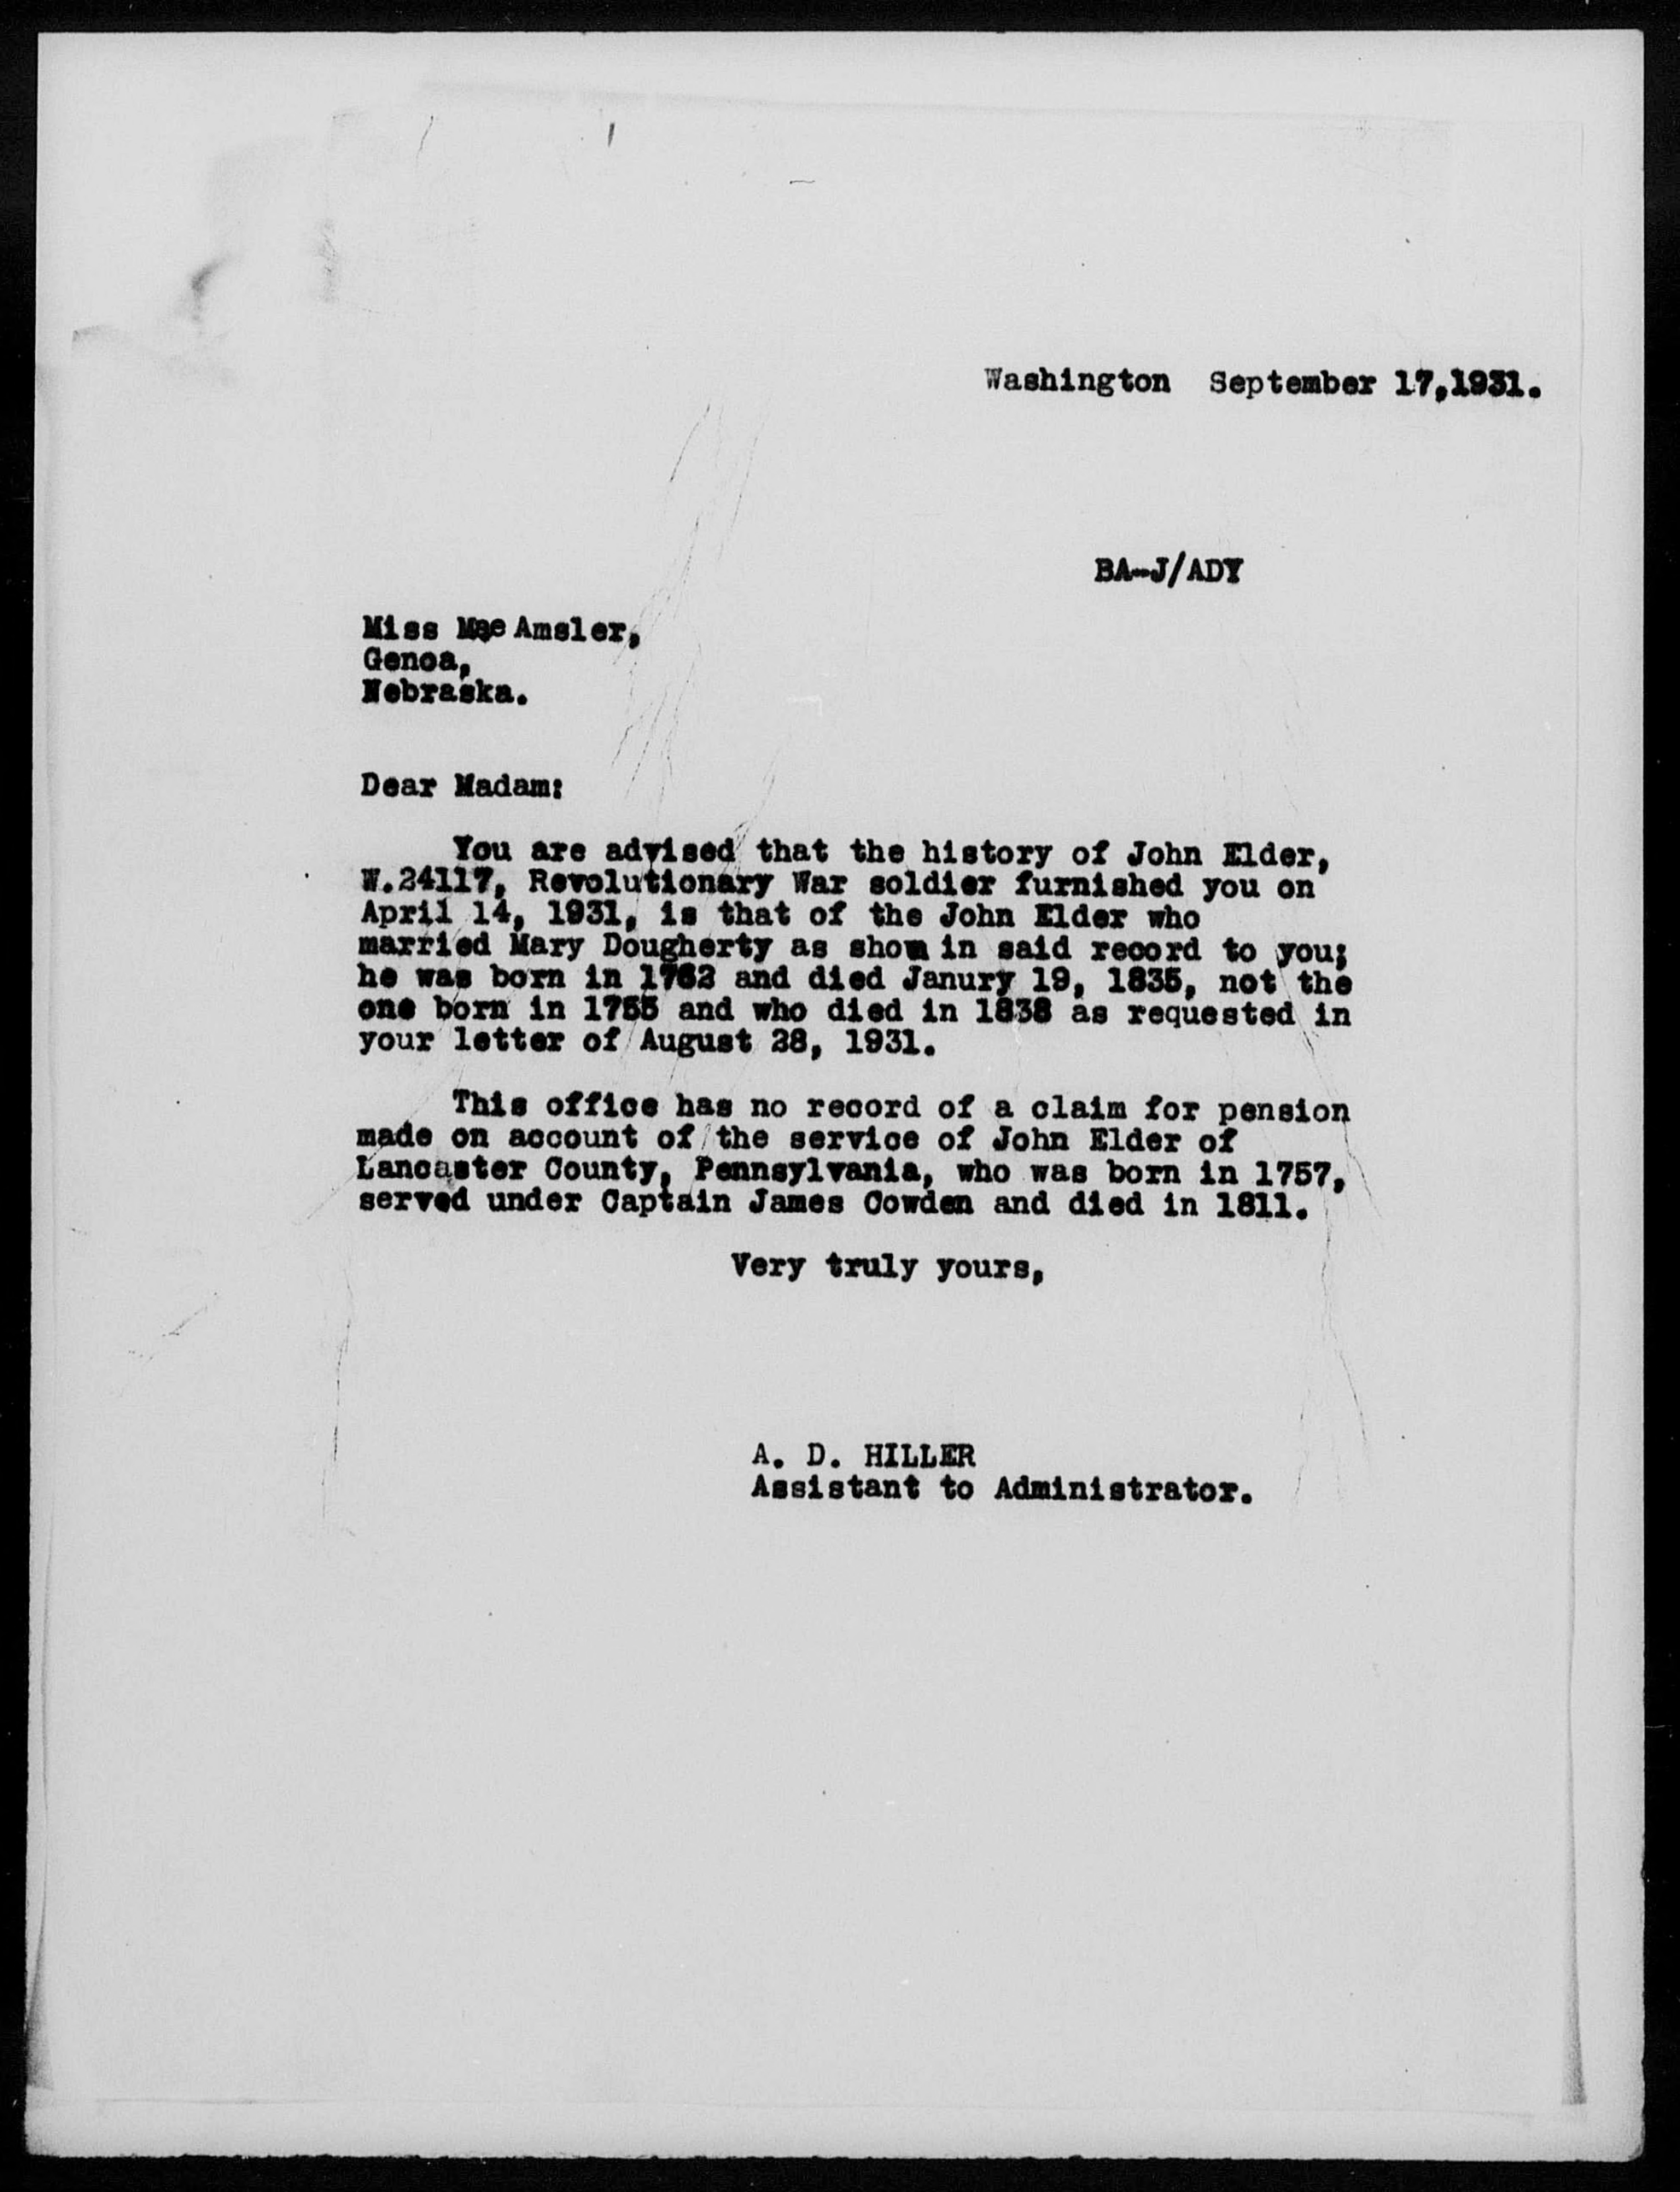Washington September 17, 1931
                           BA-J/ADT

Miss Mae Amsler,
Genoa,
Nebraska,

Dear Madam:
     You are advised that the history of John Elder, W.24117, Revolutionary War soldier furnished you on April 14, 1931, is that of the John Elder who married Mary Dougherty as shown in said record to you; he was was born in 1762 and died January 19, 1835, not the one born in 1755 and who died in 1838 as requested in your letter of August 28, 1931.

      This office has no record of a claim for pension made on account of the service of John Elder of Lancaster County, Pennsylvania, who was born in 1757, served under Captain James Cowden and died in 1811.

Very truly yours, 

A.D. HILLER
Assistant to Administrator.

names: John Elder, Mary Dougherty, John Elder, Mae Amsler, John Elder, A D Hiller, James Cowden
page: 61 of 80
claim: widow's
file: W. 24117, John Elder, Penn.